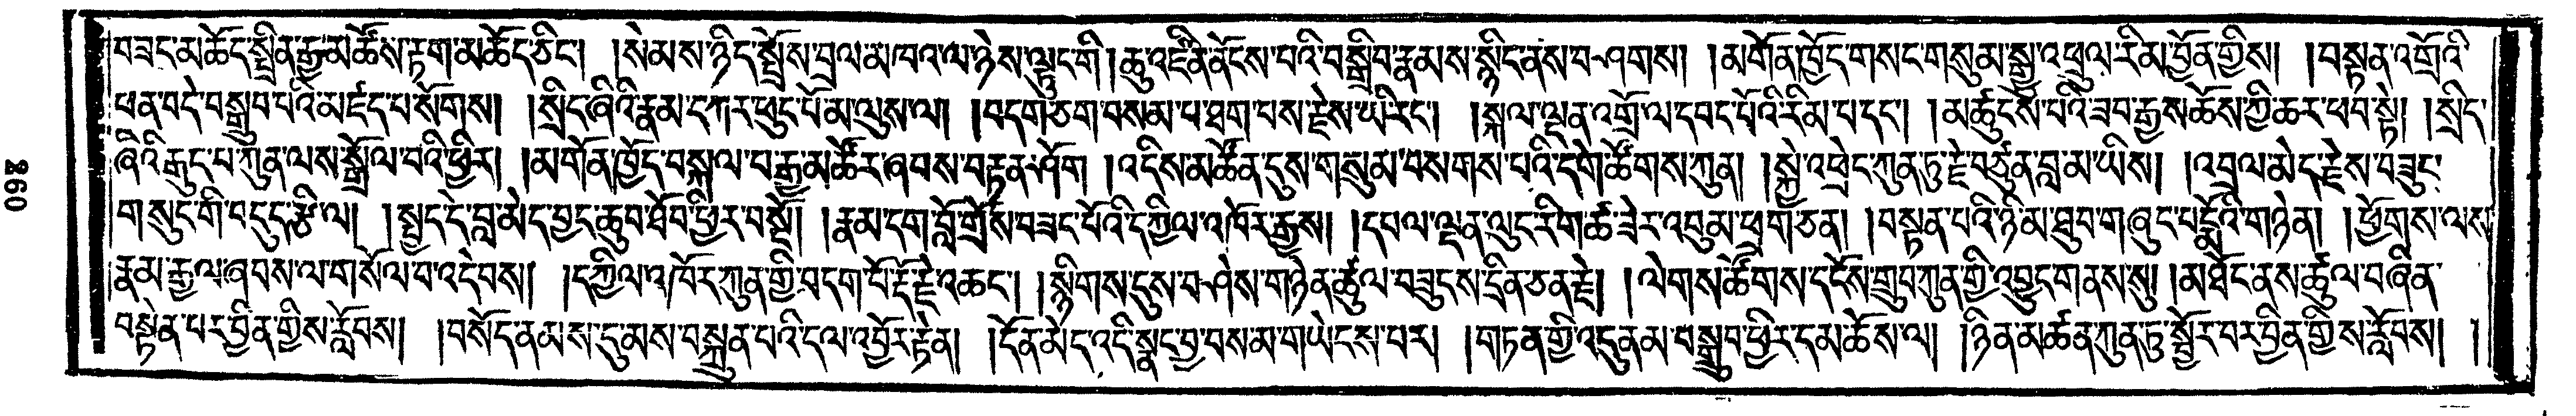བཟང་མཆོད་སྤྲིན་རྒྱ་མཚོས་རྟག་མཆོད་ཅིང་། །སེམས་ཉིད་སྤྲོས་བྲལ་མཁའ་ལ་ཉེས་ལྟུང་གི །ཆུ་འཛིན་ནོངས་པའི་བསྒྲིབ་རྣམས་སྙིང་ནས་བཤགས། །མགོན་ཁྱོད་གསང་གསུམ་སྒྱུ་འཕྲུལ་རིམ་བྱོན་གྱིས། །བསྟན་འགྲོའི་
ཕན་བདེ་བསྒྲུབ་པའི་མཛད་པ་སོགས། །སྲིད་ཞིའི་རྣམ་དཀར་ཕུང་པོ་མ་ལུས་ལ། །བདག་ཅག་བསམ་པ་ཐག་པས་རྗེས་ཡི་རང་། །སྐལ་ལྡན་འགྲོ་ལ་དབང་པོའི་རིམ་པ་དང་། །མཚུངས་པའི་ཟབ་རྒྱས་ཆོས་ཀྱི་ཆར་ཕབ་སྟེ། །སྲིད་
ཞིའི་རྒུད་པ་ཀུན་ལས་སྒྲོལ་བའི་ཕྱིར། །མགོན་ཁྱོད་བསྐལ་པ་རྒྱ་མཚོར་ཞབས་བརྟན་ཤོག །འདིས་མཚོན་དུས་གསུམ་བསགས་པའི་དགེ་ཚོགས་ཀུན། །སྐྱེ་འཕྲེང་ཀུན་ཏུ་རྗེ་བཙུན་བླ་མ་ཡིས། །འབྲལ་མེད་རྗེས་བཟུང་
གསུང་གི་བདུད་རྩི་ལ། །སྤྱད་དེ་བླ་མེད་བྱང་ཆུབ་ཐོབ་ཕྱིར་བསྔོ། །རྣམ་དག་བློ་གྲོས་བཟང་པོའི་དཀྱིལ་འཁོར་རྒྱས། །དཔལ་ལྡན་ལུང་རིག་ཚ་ཟེར་འབུམ་ཕྲག་ཅན། །བསྟན་པའི་ཉི་མ་ཐུབ་གཞུང་པདམོའི་གཉེན། །ཕྱོགས་ལས་
རྣམ་རྒྱལ་ཞབས་ལ་གསོལ་བ་འདེབས། །དཀྱིལ་འཁོར་ཀུན་གྱི་བདག་པོ་རྡོ་རྗེ་འཆང་། །སྙིགས་དུས་བཤེས་གཉེན་ཚུལ་བཟུངས་དྲིན་ཅན་རྗེ། །ལེགས་ཚོགས་དངོས་གྲུབ་ཀུན་གྱི་འབྱུང་གནས་སུ། །མཐོང་ནས་ཚུལ་བཞིན་
བསྟེན་པར་བྱིན་གྱིས་རློབས། །བསོད་ནམས་དུ་མས་བསྐྲུན་པའི་དལ་འབྱོར་རྟེན། །དོན་མེད་འདི་སྣང་བྱ་བསམ་གཡེངས་པར། །གཏན་གྱི་འདུན་མ་བསྒྲུབ་ཕྱིར་དམ་ཆོས་ལ། །ཉིན་མཚན་ཀུན་ཏུ་སྦྱོར་བར་བྱིན་གྱིས་རློབས། །